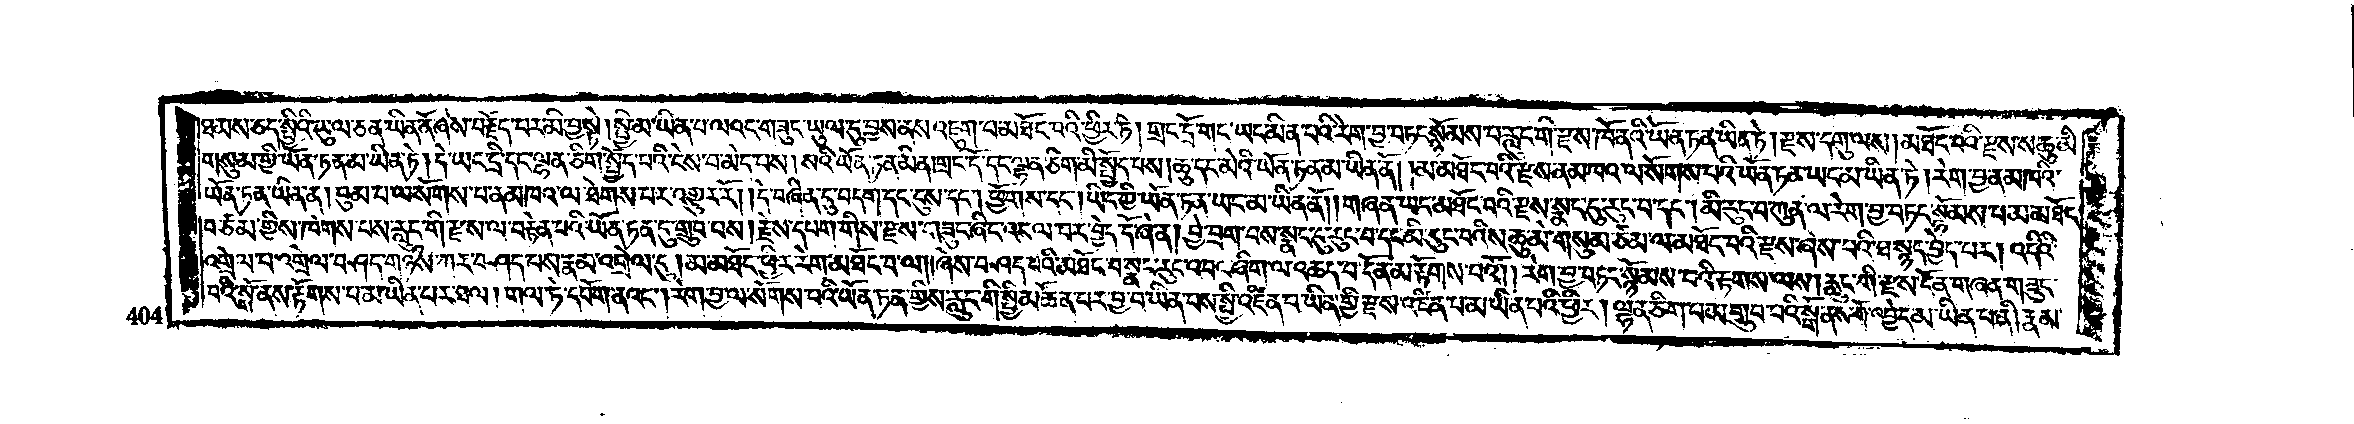ཐམས་ཅན་སྤྱིའི་ཡུལ་ཅན་ཡིན་ནོ་ཞེས་བརྗོད་པར་མི་བྱ་སྟེ། སྤྱི་མ་ཡིན་པ་ལའང་གཟུང་ཡུལ་དུ་བྱས་ནས་འཇུག་པ་མཐོང་བའི་ཕྱིར་ཏེ། གྲང་དོ་གང་ཡང་མིན་པའི་རེག་བྱ་བསྟན་སྙོམས་པ་རླུང་གི་རྫས་ཁོ་ནའི་ཡོན་ཏན་ཡིན་ཏེ། རྫས་དགུ་ལས། མཐོང་བའི་རྫས་ས་ཆུ་མི་
གསུམ་གྱི་ཡོན་ཏན་མ་ཡིན་ཏེ། དེ་ཡང་དྲི་དང་ལྷན་ཅིག་སྤྱོད་པའི་ངེས་པ་མེད་པས། སའི་ཡོན་ཏན་མིན་གྲང་དོ་དང་ལྷན་ཅིག་མི་སྤྱོད་པས། ཆུ་དང་མེའི་ཡོན་ཏན་མ་ཡིན་ནོ། །མ་མཐོང་བའི་རྫས་ནམ་མཁའ་ལ་སོགས་པའི་ཡོན་ཏན་ཡང་མ་ཡིན་ཏེ། རེག་བྱ་ནམ་མཁའི་
ཡོན་ཏན་ཡིན་ན། བུམ་པ་ལ་སོགས་པ་ནམ་མཁའ་ལ་ཐེགས་པར་འགྱུར་རོ། །དེ་བཞིན་དུ་བདག་དང་དུས་དང་། ཕྱོགས་དང་། ཡིད་ཀྱི་ཡོན་ཏན་ཡང་མ་ཡིན་ནོ། །གཞན་ཡང་མཐོང་བའི་རྫས་སྣང་དུ་རུང་བ་དང་། མི་རུང་བ་ཀུན་ལ་རེག་བྱ་བཏང་སྙོམས་པ་མ་མཐོང་
བ་ཙམ་གྱིས་ཁྱེགས་པས་རླུང་གི་རྫས་ལ་བརྟེན་པའི་ཡོན་ཏན་དུ་གྲུབ་པས། རྗེས་དཔག་གིས་རྫས་གཟུང་ཞིང་འང་ལ་བར་བྱེད་དོ་ཞེ་ན། བྱེ་བྲག་བས་སྣང་དུ་རུང་བ་དང་མི་རུང་བའི་ས་ཆུ་མེ་གསུམ་ཙམ་ལ་མཐོང་བའི་རྫས་ཞེས་པའི་ཏ་སྙད་བྱེད་པར། འདིའི་
འགྲེལ་བ་འགྲེལ་བཤད་གཉིས་ཀར་བཤད་པས་རྣམ་འགྲེལ་དུ། མ་མཐོང་ཕྱིར་རེག་མཐོང་བ་ལ། ཞེས་བཤད་པའི་མཐོང་བ་སྣང་རུང་འབའ་ཞིག་ལ་འཆད་པ་དོན་མ་རྟོགས་པའོ། །རེག་བྱ་བཏང་སྙོམས་པའི་རྟགས་ལས། རླུང་གི་རྫས་དོན་གཞན་གཟུང་
བའི་སྒོ་ནས་རྟོགས་པ་མ་ཡིན་པར་ཐལ། གལ་ཏེ་དཔོག་ནའང་། རེག་བྱ་ལ་སོགས་པའི་ཡོན་ཏན་གྱིས་རླུང་གི་སྤྱི་མཚོན་པར་བྱ་བ་ཡིན་པས་སྤྱི་འཛིན་པ་ཡིན་གྱི་རྫས་འཛིན་པ་མ་ཡིན་པའི་ཕྱིར། ལྷན་ཅིག་པ་མ་གྲུབ་པའི་སྒོ་ནས་གོ་འབྱེད་མ་ཡིན་པ་ནི། རྣམ་